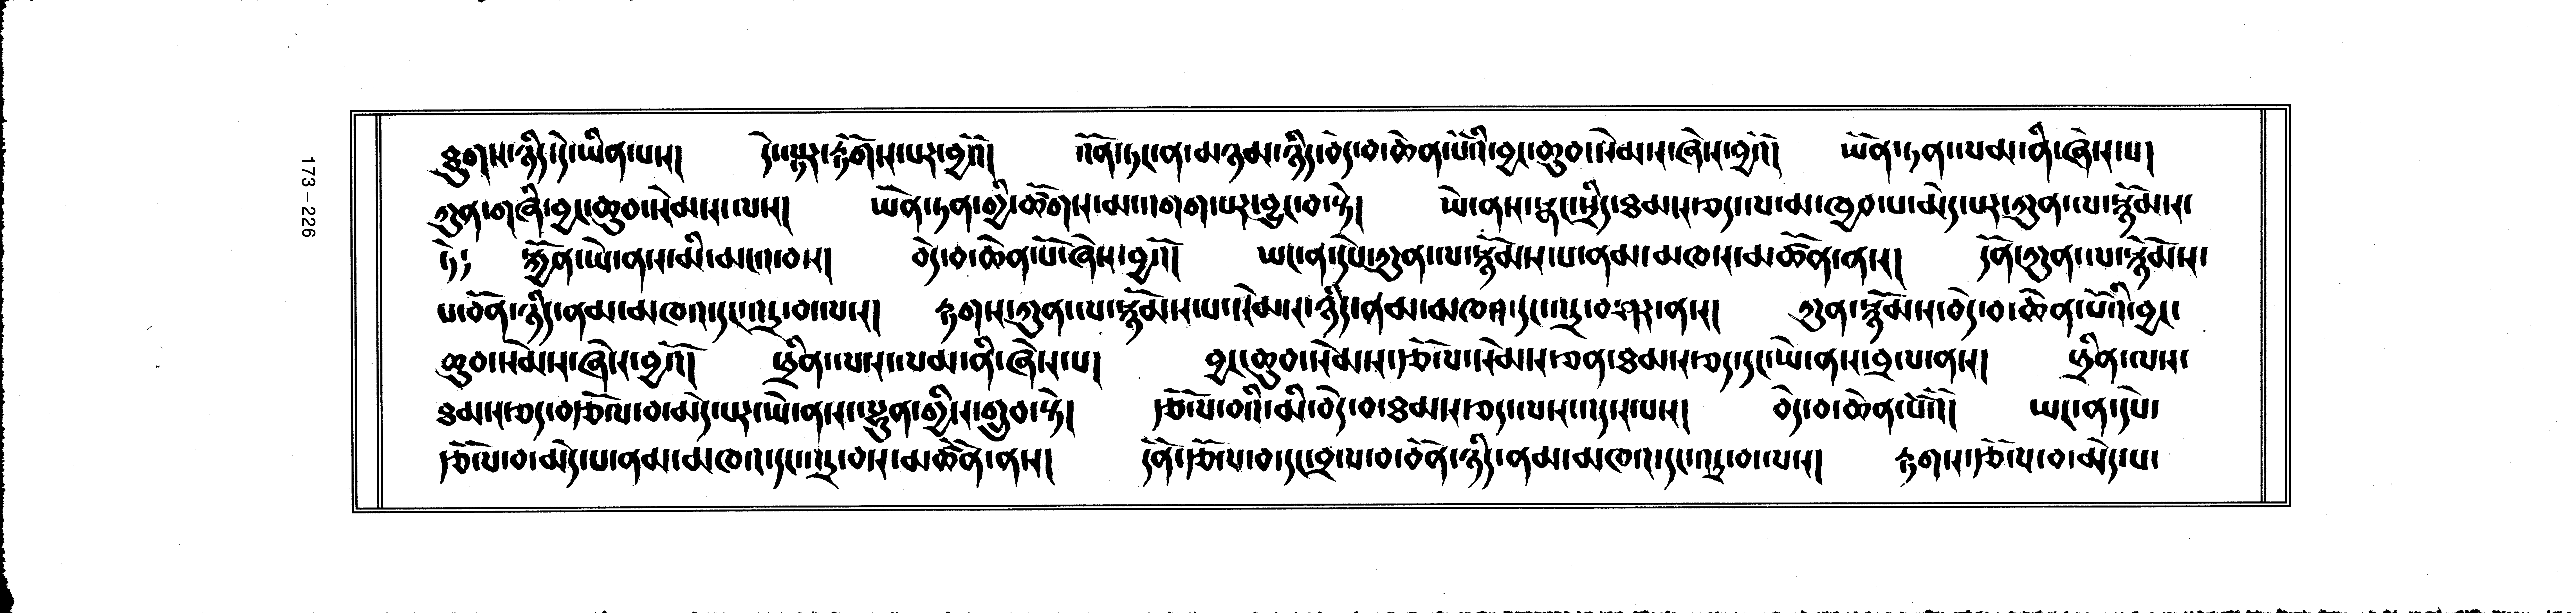ཐུགས་ཉིད་དེ་ཡིན་པས། དེ་ལྟར་རྟོགས་པར་བྱའོ། །འོན་ཏང་ན་མཉམ་ཉིད་བདེ་བ་ཆེན་པོའི་བྱང་ཆུབ་སེམས་ཞེས་བྱའོ། །ཡོན་ཏན་ལམ་ནི་ཞེས་པ། 
ཀུན་གཞི་བྱང་ཆུབ་སེམས་ལས། ཡོན་ཏན་གྱི་ཚོགས་མ་འགག་པར་བྱུང་བ་སྟེ། ཡེ་ནས་སྣང་སྲིད་ཐམས་ཅད་ལ་མ་ཁྱབ་པ་མེད་པར་ཀུན་ལ་སྙོམས་
ཏེ། སྐྱོན་ཡེ་ནས་མི་མངའ་བས། བདེ་བ་ཆེན་པོ་ཞེས་བྱའོ། །ཡང་ན་དཔེ་ཀུན་ལ་སྙོམས་པ་ནམ་མཁས་མཚོན་ནས། དོན་ཀུན་ལ་སྙོམས་
པ་བོན་ཉིད་ནམ་མཁའ་དང་འདྲ་བ་ལས། རྟགས་ཀུན་ལ་སྙོམས་པ་སེམས་ཉིད་ནམ་མཁའ་དང་འདྲ་བ་ཤར་ནས། ཀུན་སྙོམས་བདེ་བ་ཆེན་པོའི་བྱང་
ཆུབ་སེམས་ཞེས་བྱའོ། །ཕྲིན་ལས་ལམ་ནི་ཞེས་པ། བྱང་ཆུབ་སེམས་རྩོལ་སེམས་ཅན་ཐམས་ཅད་དང་ཡེ་ནས་བྲལ་ནས། ཕྲིན་ལས་
ཐམས་ཅད་རྩོལ་བ་མེད་པར་ཡེ་ནས་ལྷུན་གྱིས་གྲུབ་པ་སྟེ། རྩོལ་བའི་མི་བདེ་བ་ཐམས་ཅད་ལས་འདས་པས། བདེ་བ་ཆེན་པོའོ། །ཡང་ན་དཔེ་
རྩོལ་བ་མེད་པ་ནམ་མཁའ་དང་འདྲ་བས་མཚོན་ནས། དོན་རྩོལ་བ་དང་བྲལ་བ་བོན་ཉིད་ནམ་མཁའ་དང་འདྲ་བ་ལས། རྟགས་རྩོལ་བ་མེད་པ་